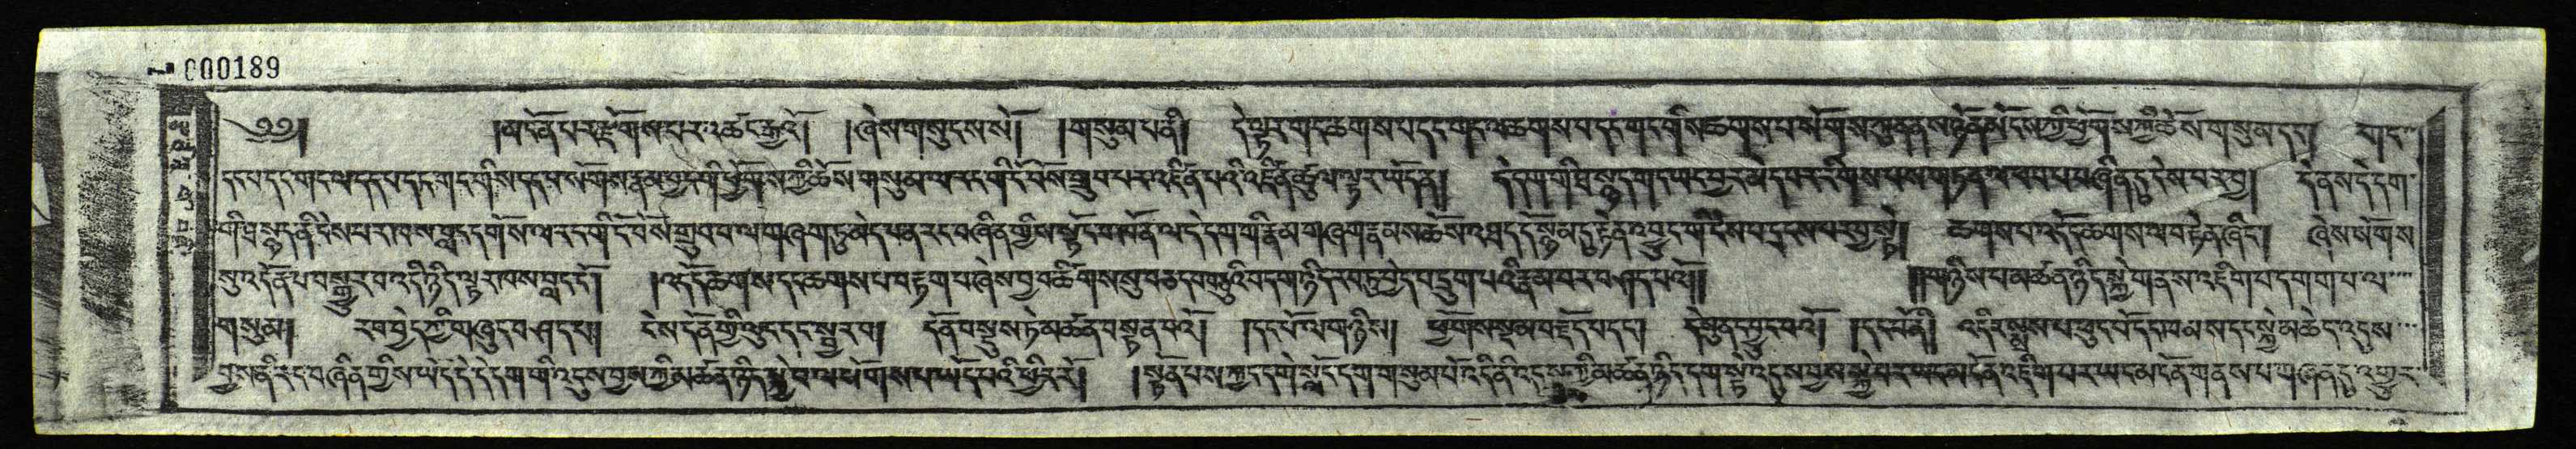༄༅། །མངོན་པར་རྫོགས་པར་འཚང་རྒྱའོ། །ཞེས་གསུངས་སོ། །གསུམ་པ་ནི། དེ་ལྟར་གང་ཆགས་པ་དང་གང་ལ་ཆགས་པ་དང་གང་གིས་ཆགས་པ་སོགས་ཀུན་ནས་ཉོན་མོངས་ཀྱི་ཕྱོགས་ཀྱི་ཆོས་གསུམ་དང་། གང་
དང་པ་དང་གང་ལ་དད་པ་དང་གང་གིས་དད་པ་སོགས་རྣམ་བྱང་གི་ཕྱོགས་ཀྱི་ཆོས་གསུམ་ལ་རང་གི་ངོ་བོས་གྲུབ་པར་འཛིན་པའི་འཛིན་ཚུལ་ལྟར་ཡོད་ན། དེ་དག་གི་ཐ་སྙད་གང་ཡང་བྱར་མེད་པར་རིགས་པས་གཏན་ལ་ཕབ་པ་བཞིན་དུ་ངེས་པར་བྱ། དེ་ནས་དེ་དག་
གི་ཐ་སྙད་ནི་ངེས་པར་ཁས་བླང་དགོས་ལ་རང་གི་ངོ་བོས་གྲུབ་པ་ལ་གཞག་ཏུ་མེད་པ་ན་རང་བཞིན་གྱིས་སྟོང་པ་ཁོ་ན་ལ་དེ་དག་གི་རྣམ་གཞག་རྣམས་ཆོས་འཐད་དོ་སྙམ་དུ་རྟེན་འབྱུང་གི་ངེས་པ་དྲངས་པར་བྱ་སྟེ། ཆགས་པ་འདོད་ཆགས་ལ་བརྟེན་ཞིང་། ཞེས་སོགས་
སུ་འདོན་པ་བསྒྱུར་བ་འདི་ཉིད་ལྟར་ཁས་བླང་ངོ། །འདོད་ཆགས་དང་ཆགས་པ་བརྟག་པ་ཞེས་བྱ་བ་ཚིགས་སུ་བཅད་པ་བཅུའི་བདག་ཉིད་རབ་ཏུ་བྱེད་པ་དྲུག་པའི་རྣམ་པར་བཤད་པའོ།། །།གཉིས་པ་མཚན་ཉིད་སྐྱེ་གནས་འཇིག་པ་དགག་པ་ལ་
གསུམ། རབ་བྱེད་ཀྱི་གཞུང་བཤད་པ། ངེས་དོན་གྱི་ལུང་དང་སྦྱར་བ། དོན་བསྡུས་ཏེ་མཚན་བསྟན་པའོ། །དང་པོ་ལ་གཉིས། ཕྱོགས་སྔ་མ་བརྗོད་པ་དང་། དེ་སུན་དབྱུང་བའོ། །དང་པོ་ནི། འདིར་སྨྲས་པ་ཕུང་པོ་དང་ཁམས་དང་སྐྱེ་མཆེད་འདུས་
བྱས་ནི་རང་བཞིན་གྱིས་ཡོད་དེ་དེ་དག་གི་འདུས་བྱས་ཀྱི་མཚན་ཉིད་སྐྱེ་བ་ལ་སོགས་པ་ཡོད་པའི་ཕྱིར་རོ། །སྟོན་པས་ཀྱང་དགེ་སློང་དག་གསུམ་པོ་འདི་ནི་འདུས་ཀྱི་མཚན་ཉིད་དག་སྟེ་འདུས་བྱས་སྐྱེ་བར་ཡང་མངོན་འཇིག་པར་ཡང་མངོན་གནས་པ་གཞན་དུ་འགྱུར་